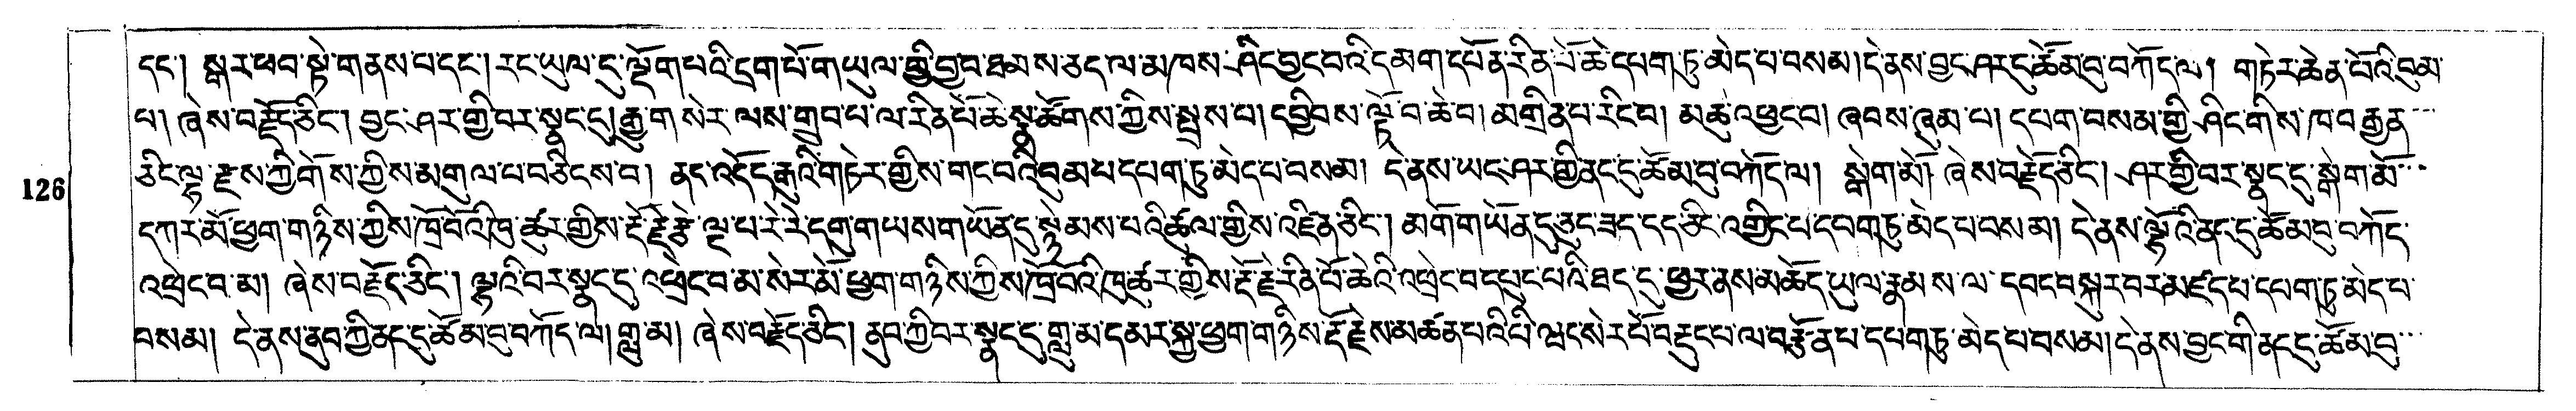དང་། སྒར་ཕབ་སྟེ་གནས་པ་དང་། རང་ཡུལ་དུ་ལྡོག་པའི་དྲག་པོ་གཡུལ་གྱི་བྱ་བ་ཐམས་ཅད་ལ་མཁས་ཤིང་བྱང་བའི་དམག་དཔོན་རིན་པོ་ཆེ་དཔག་ཏུ་མེད་པ་བསམ། དེ་ནས་བྱང་ཤར་དུ་ཚོམ་བུ་བཀོད་ལ། གཏེར་ཆེན་པོའི་བུམ་
པ། ཞེས་བརྗོད་ཅིང་། བྱང་ཤར་གྱི་བར་སྣང་དུ། རྒྱུ་གསེར་ལས་གྲུབ་པ་ལ་རིན་པོ་ཆེ་སྣ་ཚོགས་ཀྱིས་སྤྲས་པ། དབྱིབས་ལྟོ་བ་ཆེ་བ། མགྲིན་པ་རིང་བ། མཆུ་འཕྱང་བ། ཞབས་ཞུམ་པ། དཔག་བསམ་གྱི་ཤིང་གིས་ཁ་བརྒྱན་
ཅིང་ལྷ་རྫས་ཀྱི་གོས་ཀྱིས་མགུལ་པ་བཅིངས་པ། ནང་འདོད་རྒུའི་གཏེར་གྱིས་གང་བའི་བུམ་པ་དཔག་ཏུ་མེད་པ་བསམ། དེ་ནས་ཡང་ཤར་གྱི་ནང་དུ་ཚོམ་བུ་བཀོད་ལ། སྒེག་མོ། ཞེས་བརྗོད་ཅིང་། ཤར་གྱི་བར་སྣང་དུ་སྒེག་མོ་
དཀར་མོ་ཕྱག་གཉིས་ཀྱིས་ཁྲོ་བོའི་ཁུ་ཚུར་གྱིས་རྡོ་རྗེ་རྩེ་ལྔ་པ་རེ་རེ་དགུ་གཡས་གཡོན་དུ་སྙེམས་པའི་ཚུལ་གྱིས་འཛིན་ཅིང་། མགོ་གཡོན་དུ་ཅུང་ཟད་དད་ཅིང་འགྱིང་པ་དཔག་ཏུ་མེད་པ་བསམ། དེ་ནས་ལྷོའི་ནང་དུ་ཚོམ་བུ་བཀོད་
འཕྲེང་བ་མ། ཞེས་བརྗོད་ཅིང་། ལྷའི་བར་སྣང་དུ་འཕྲེང་བ་མ་སེར་མོ་ཕྱག་གཉིས་ཀྱིས་ཁྲོ་བོའི་ཁུ་ཚུར་གྱིས་རྡོ་རྗེ་རིན་པོ་ཆེའི་འཕྲེང་བ་དཔུང་པའི་ཐད་?་དུ་ཕྱར་ནས་མཆོད་ཡུ་རྣམས་ལ་དབང་བསྐུར་བར་མཛད་པ་དཔག་ཏུ་མེད་པ་
བསམ། དེ་ནས་ནུབ་ཀྱི་ནང་དུ་ཚོམ་བུ་བཀོད་ལ། གླུ་མ། ཞེས་བརྗོད་ཅིང་། ནུབ་ཀྱི་བར་སྣང་དུ་གླུ་མ་དམར་སྐྱ་ཕྱག་གཉིས་རྡོ་རྗེས་མཚན་པའི་པི་ཝང་སེར་པོ་བརྡུང་པ་ལ་བརྩོན་པ་དཔག་ཏུ་མེད་པ་བསམ། དེ་ནས་བྱང་གི་ནང་དུ་ཚོམ་བུ་